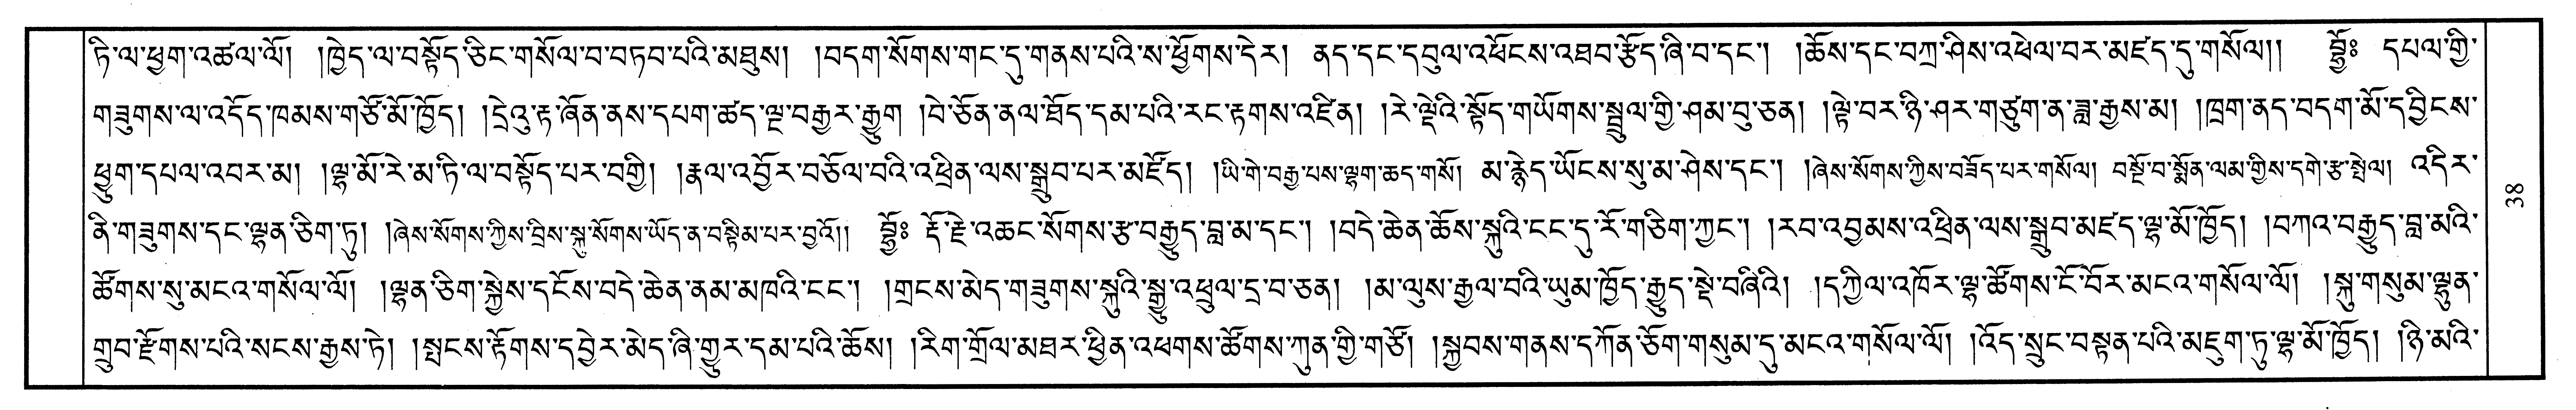ཏི་ལ་ཕྱག་འཚལ་ལོ། །ཁྱེད་ལ་བསྟོད་ཅིང་གསོལ་བ་བཏབ་པའི་མཐུས། །བདག་སོགས་གང་དུ་གནས་པའི་ས་ཕྱོགས་དེར། ནད་དང་དབུལ་འཕོངས་འཐབ་རྩོད་ཞི་བ་དང་། །ཆོས་དང་བཀྲ་ཤིས་འཕེལ་བར་མཛད་དུ་གསོལ།། བྷྱོཿ དཔལ་གྱི་
གཟུགས་ལ་འདོད་ཁམས་གཙོ་མོ་ཁྱོད། །དྲེའུ་རྟ་ཞོན་ནས་དཔག་ཚད་ལྔ་བརྒྱར་རྒྱུག །བེ་ཅོན་ནལ་ཐོད་དམ་པའི་རང་རྟགས་འཛིན། །རེ་ལྡེའི་སྟོད་གཡོགས་སྦྲུལ་གྱི་ཤམ་བུ་ཅན། །ལྟེ་བར་ཉི་ཤར་གཙུག་ན་ཟླ་རྒྱས་མ། །ཁྲག་ནད་བདག་མོ་དབྱིངས་
ཕྱུག་དཔལ་འབར་མ། །ལྷ་མོ་རེ་མ་ཏི་ལ་བསྟོད་པར་བགྱི། །རྣལ་འབྱོར་བཅོལ་བའི་འཕྲིན་ལས་སྒྲུབ་པར་མཛོད། །ཡི་གེ་བརྒྱ་པས་ལྷག་ཆད་གསོ། མ་རྙེད་ཡོངས་སུ་མ་ཤེས་དང་། །ཞེས་སོགས་ཀྱིས་བཟོད་པར་གསོལ། བསྔོ་བ་སྨོན་ལམ་གྱིས་དགེ་རྩ་སྤེལ། འདིར་
ནི་གཟུགས་དང་ལྷན་ཅིག་ཏུ། །ཞེས་སོགས་ཀྱིས་བྲིས་སྐུ་སོགས་ཡོད་ན་བསྟིམ་པར་བྱའོ།། བྷྱོཿ རྡོ་རྗེ་འཆང་སོགས་རྩ་བརྒྱུད་བླ་མ་དང་། །བདེ་ཆེན་ཆོས་སྐུའི་ངང་དུ་རོ་གཅིག་ཀྱང་། །རབ་འབྱམས་འཕྲིན་ལས་སྒྲུབ་མཛད་ལྷ་མོ་ཁྱོད། །བཀའ་བརྒྱུད་བླ་མའི་
ཚོགས་སུ་མངའ་གསོལ་ལོ། །ལྷན་ཅིག་སྐྱེས་དངོས་བདེ་ཆེན་ནམ་མཁའི་ངང་། །གྲངས་མེད་གཟུགས་སྐུའི་སྒྱུ་འཕྲུལ་དྲ་བ་ཅན། །མ་ལུས་རྒྱལ་བའི་ཡུམ་ཁྱོད་རྒྱུད་སྡེ་བཞིའི། །དཀྱིལ་འཁོར་ལྷ་ཚོགས་ངོ་བོར་མངའ་གསོལ་ལོ། །སྐུ་གསུམ་ལྷུན་
གྲུབ་རྫོགས་པའི་སངས་རྒྱས་ཏེ། །སྤངས་རྟོགས་དབྱེར་མེད་ཞི་གྱུར་དམ་པའི་ཆོས། །རིག་གྲོལ་མཐར་ཕྱིན་འཕགས་ཚོགས་ཀུན་གྱི་གཙོ། །སྐྱབས་གནས་དཀོན་ཅོག་གསུམ་དུ་མངའ་གསོལ་ལོ། །འོད་སྲུང་བསྟན་པའི་མཇུག་ཏུ་ལྷ་མོ་ཁྱོད། །ཉི་མའི་